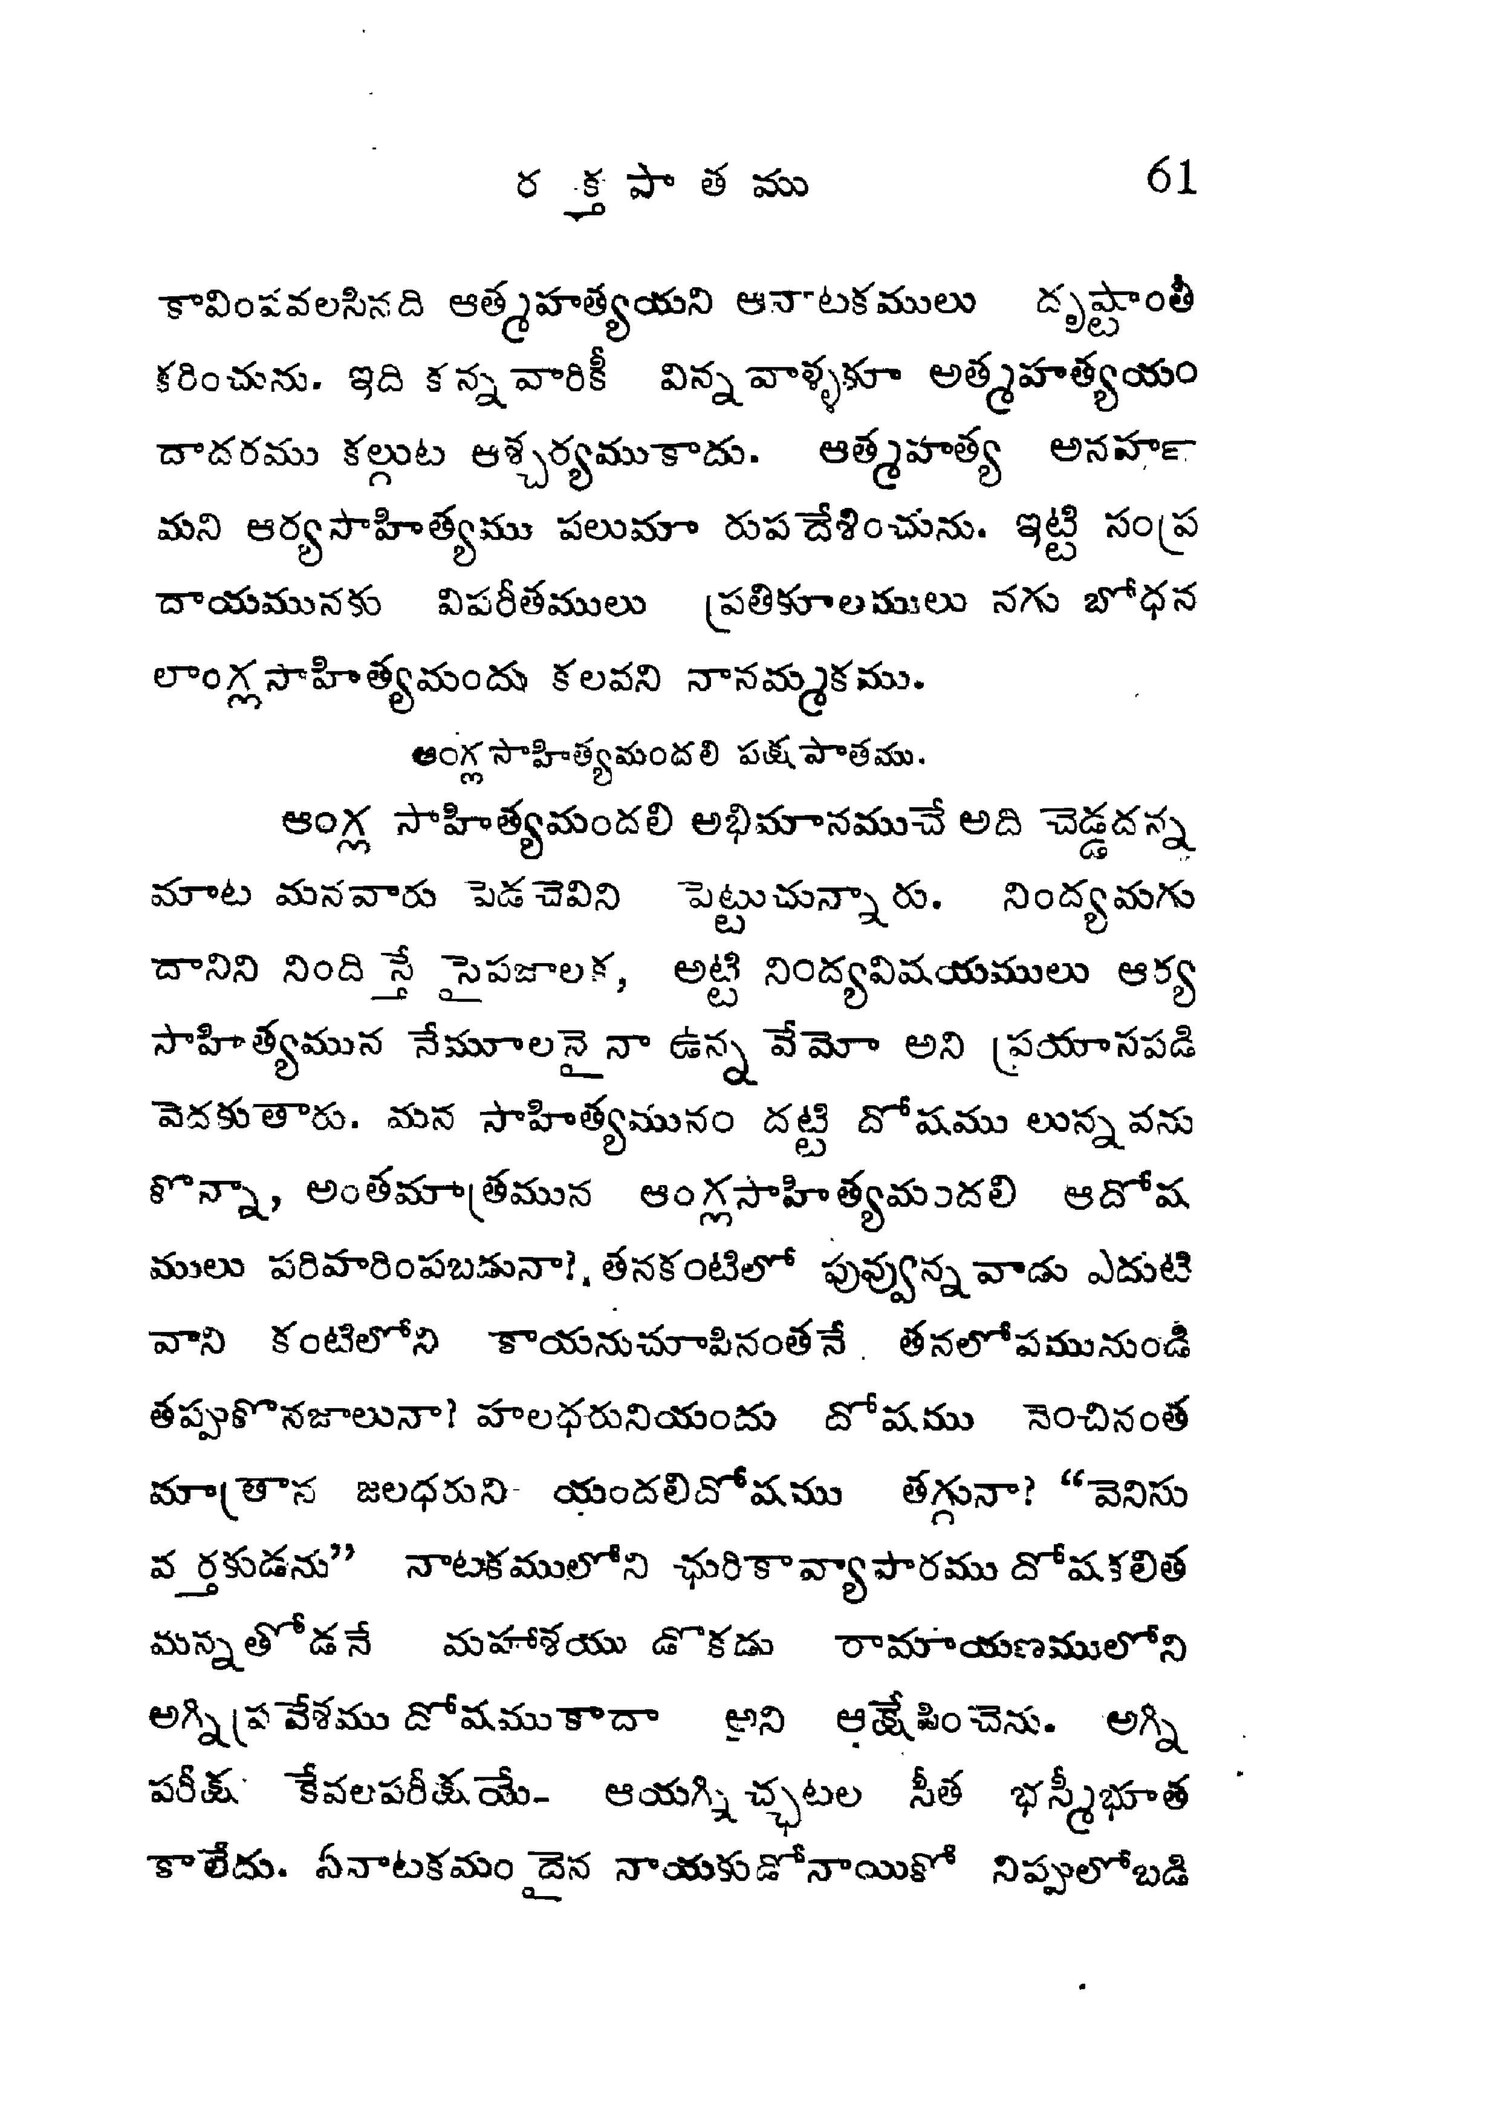కావింపవలసినది ఆత్మహత్యయని ఆనాటకములు దృష్టాంతీ కరించును. ఇది కన్నవారికీ విన్న వాళ్ళకూ ఆత్మహత్యయం దాదారము కల్గుట ఆశ్చర్యముకాదు. ఆత్మహత్య అనహన్ మని ఆర్యసాహిత్యము పలుమా రుపదేశించును. ఇట్టి సంప్రదాయమునకు విపరీతములు ప్రతికూలములు నగు బోధన లాంగ్లసాహిత్యమందు కలవని నానమ్మకము.

ఆంగ్ల సాహిత్యమందలి అభిమానముచే అది చెడ్డదన్న మాట మనవారు పెడచెవిని పెట్టుచున్నారు. నింద్యమగు దానిని నిందిస్తే సైపజాలక, అట్టి నింద్యవిషయములు ఆర్యసాహిత్యమున నేమూలనైనా ఉన్న వేమో అని ప్రయాసపడి వెదకుతారు. మన సాహిత్యమునం దట్టి దోషము లున్నవనుకొన్నా, అంతమాత్రమున ఆంగ్లసాహిత్యమందలి ఆదోషములు పరిహరింపబడునా? తనకంటిలో పువ్వున్న వాడు ఎదుటి వాని కంటిలోని కాయనుచూపినంతనే తనలోపమునుండి తప్పుకొనజాలునా? హలధరునియందు దోషము నెంచినంత మాత్రాన జలధరుని యందలిదోషము తగ్గునా? "వెనిసు వర్తకుడను" నాటకములోని ఛురికావ్యాపారము దోషకలితమన్నతోడనే మహాశయు డొకడు రామాయణములోని అగ్నిప్రవేశము దోషముకాదా అని ఆక్షేపించెను. అగ్ని పరీక్ష కేవలపరీక్షయే - ఆయగ్ని చ్ఛటల సీత భస్మీభూత కాలేదు. ఏనాటకమందైనా నాయకుడోనాయికో నిప్పులోబడి